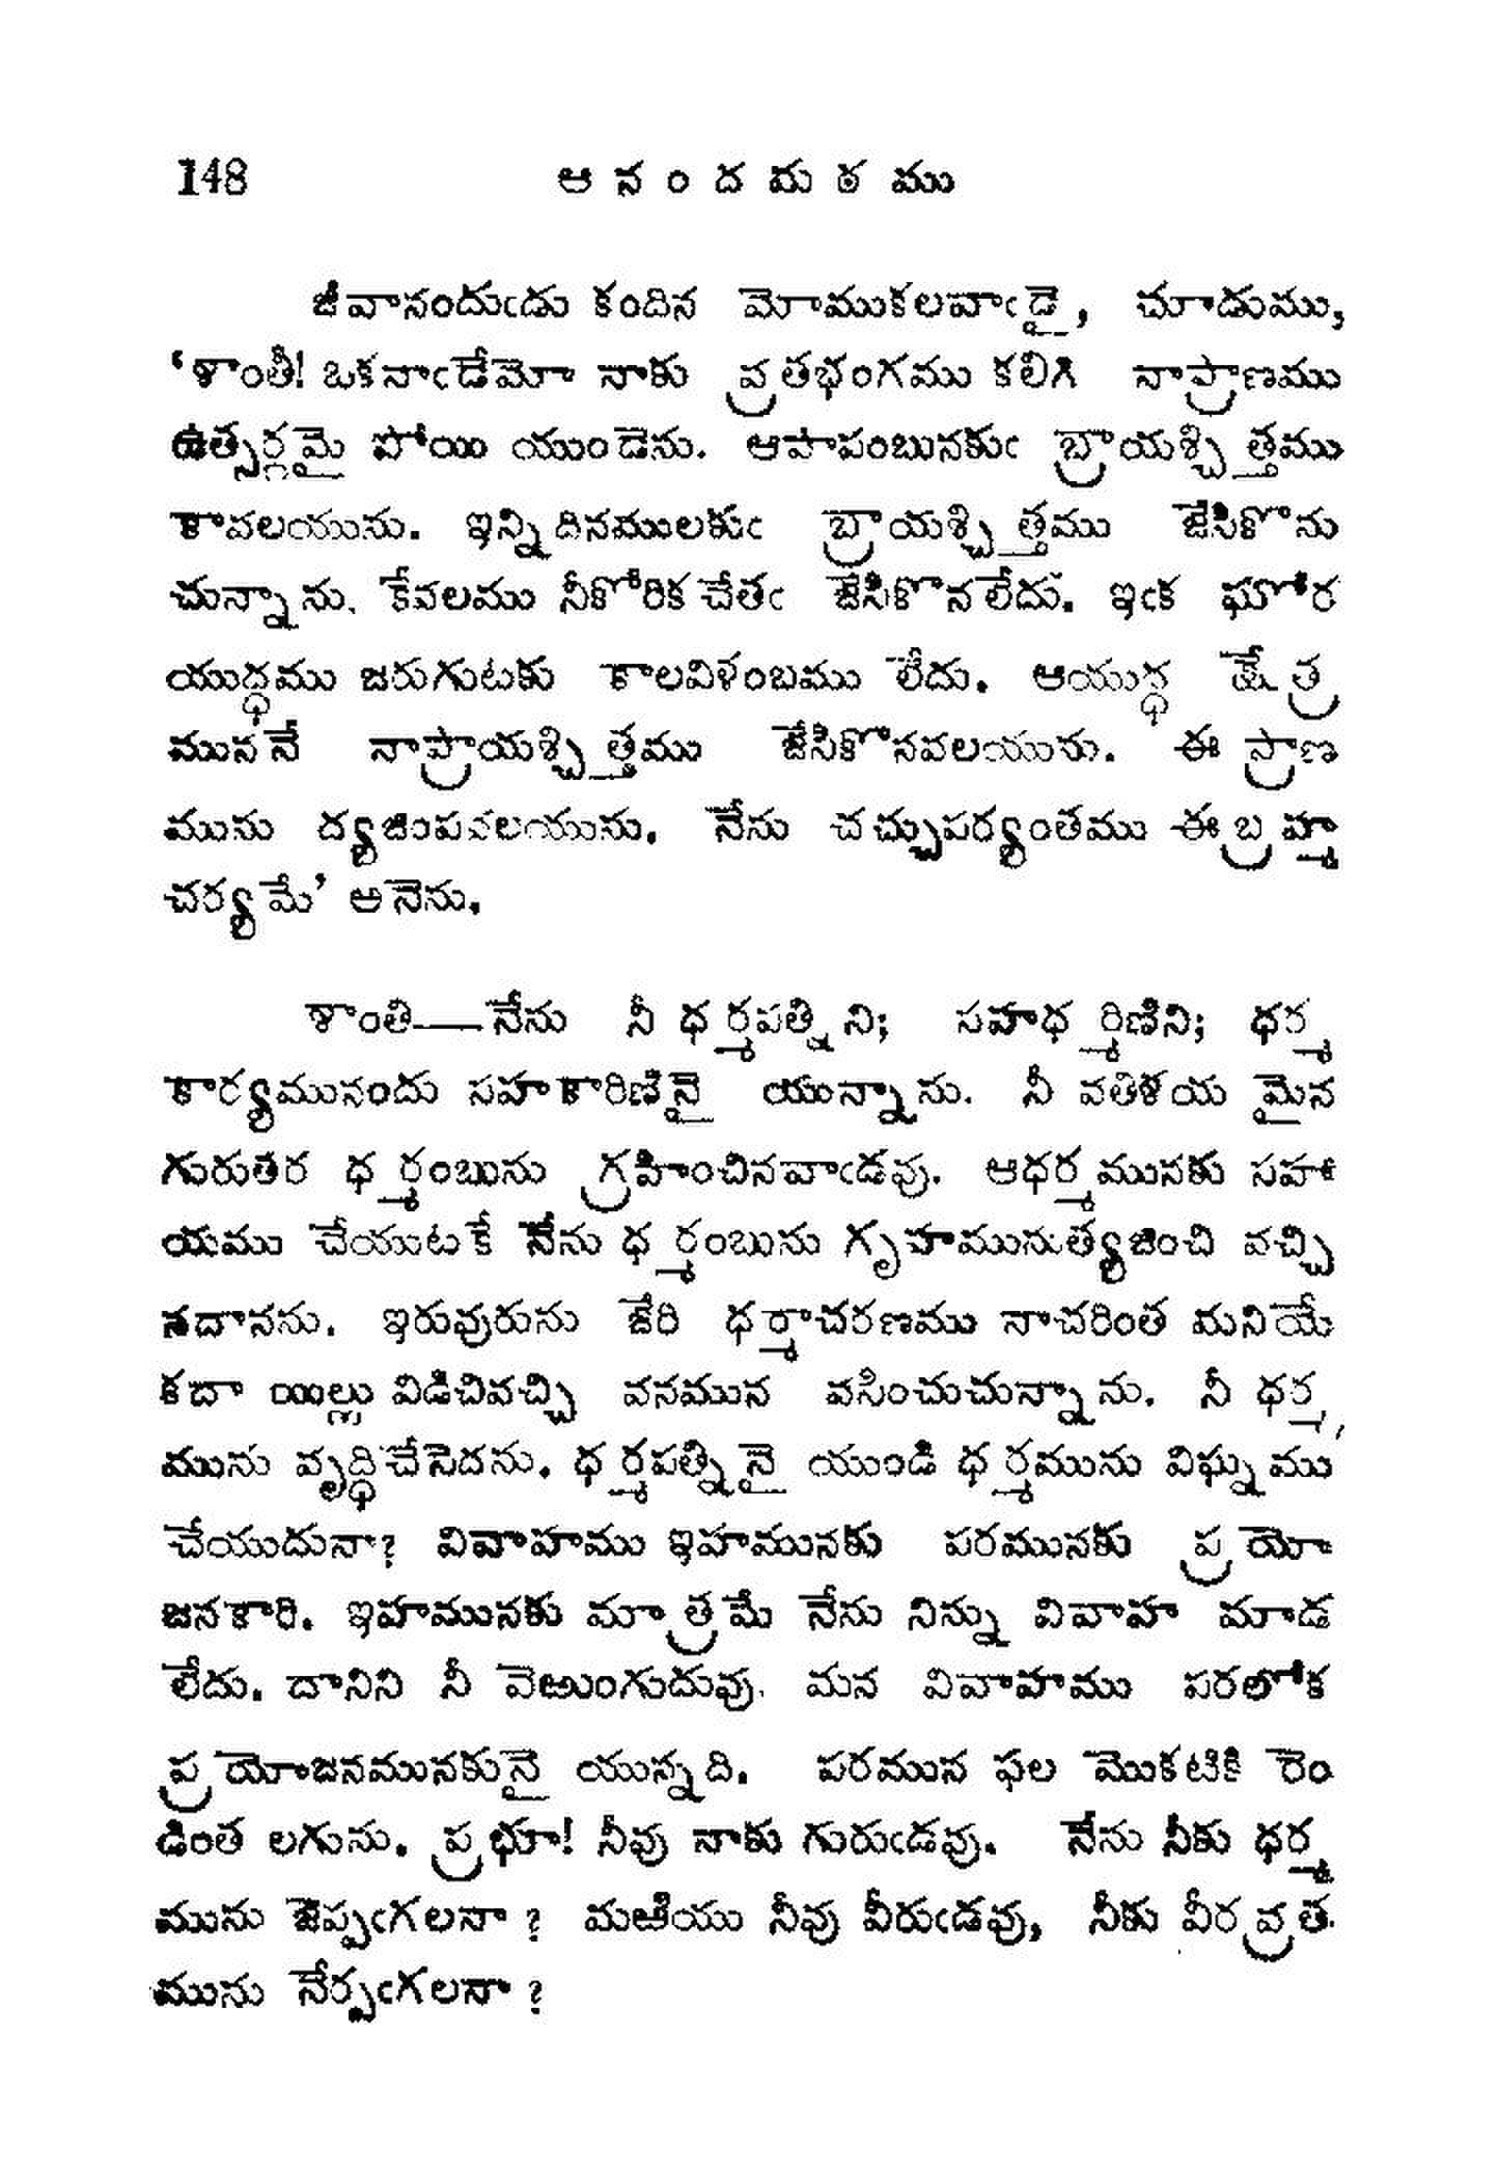జీవానందుఁడు కందిన మోముకలవాఁడై, చూడుము, 'శాంతీ! ఒకనాఁడేమో నాకు వ్రతభంగము కలిగి నాప్రాణము
ఉత్సర్గమై పోయి యుండెను. ఆపాపంబునకుఁ బ్రాయశ్చిత్తము కావలయును. ఇన్ని దినములకుఁ బ్రాయశ్చిత్తము జేసికొను
చున్నాను, కేవలము నీకోరిక చేతఁ జేసికొన లేదు. ఇఁక ఘోర యుద్ధము జరుగుటకు కాలవిళంబము 'లేదు. ఆయుధ్ధ క్షేత్ర
ముననే నాప్రాయశ్చిత్తము జేసికొనవలయును. ఈ ప్రాణమును ద్యజింపవలయును. నేను చచ్చుపర్యంతము ఈ బ్రహ్మ
చర్యమే' అనెను.

శాంతి—— నేను నీ ధర్మపత్నిని; సహధర్మిణిని; ధర్మ కార్యమునందు సహకారిణినై యున్నాను. నీ వతిశయమైన గురుతర ధర్మంబును గ్రహించిన వాఁడవు. ఆధర్మమునకు సహాయము చేయుటకే నేను ధర్మంబును గృహమును త్యజించి వచ్చి
నదానను. ఇరువురును జేరి ధర్మాచరణము నాచరింత మనియే కదా యిల్లు విడిచివచ్చి వనమున వసించుచున్నాను. నీ ధర్మమును వృద్ధి చేసెదను, ధర్మపత్నినై యుండి ధర్మమును విఘ్నము చేయుదునా? వివాహము ఇహమునకు పరమునకు ప్రయోజనకారి. ఇహమునకు మాత్రమే నేను నిన్ను వివాహ మాడ లేదు. దానిని నీ వెఱుంగుదువు, మన వివాహము పరలోక
ప్రయోజనమునకునై యున్నది. పరమున ఫల మొకటికి రెండింత లగును. ప్రభూ! నీవు నాకు గురుఁడవు. నేను నీకు ధర్మ
మును జెప్పఁగలనా ! మఱియు నీవు వీరుఁడవు, నీకు వీర వ్రతమును నేర్పఁగలనా?